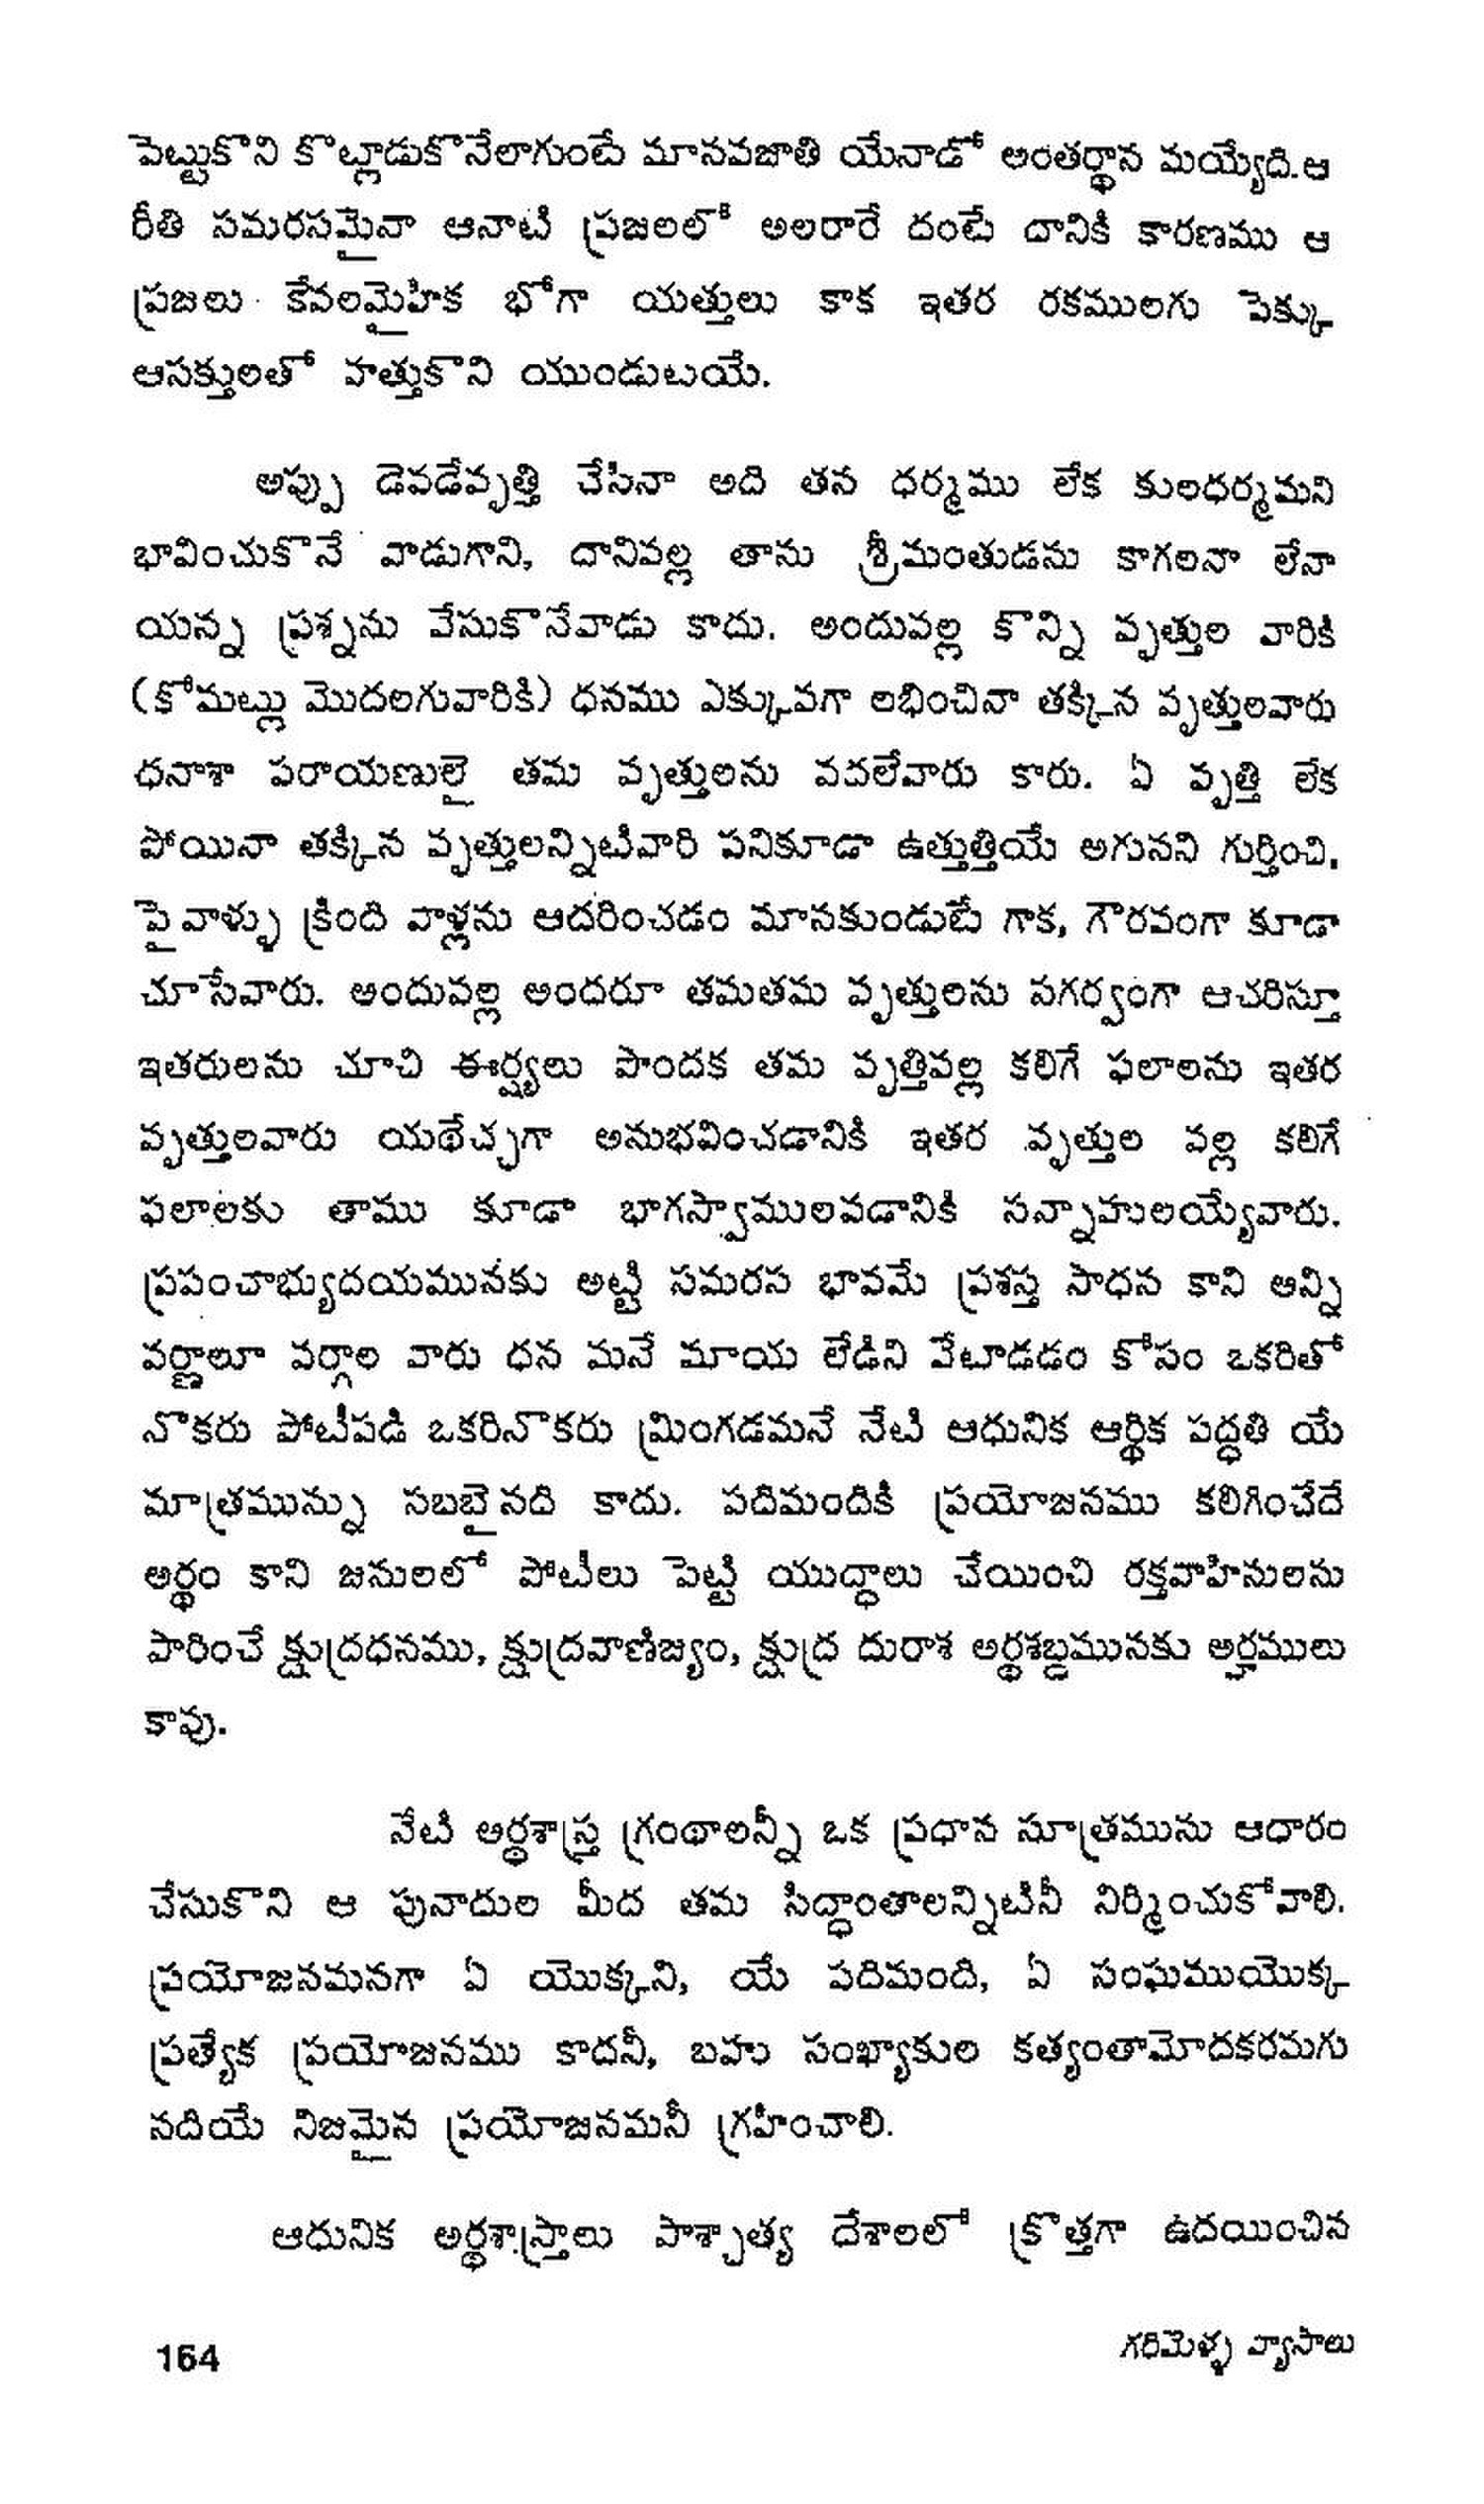పెట్టుకొని కొట్లాడుకొనేలాగుంటే మానవజాతి యేనాడో అంతర్థాన మయ్యేది. ఆ రీతి సమరసమైనా ఆనాటి ప్రజలలో అలరారే దంటే దానికి కారణము ఆ ప్రజలు కేవలమైహిక భోగా యత్తులు కాక ఇతర రకములగు పెక్కు ఆసక్తులతో హత్తుకొని యుండుటయే.

అప్పు డెవడేవృత్తి చేసినా అది తన ధర్మము లేక కులధర్మమని భావించుకొనే వాడుగాని, దానివల్ల తాను శ్రీమంతుడను కాగలనా లేనా యన్న ప్రశ్నను వేసుకొనేవాడు కాదు. అందువల్ల కొన్ని వృత్తుల వారికి (కోమట్లు మొదలగువారికి) ధనము ఎక్కువగా లభించినా తక్కిన వృత్తులవారు ధనాశా పరాయణులై తమ వృత్తులను వదలేవారు కారు. ఏ వృత్తి లేక పోయినా తక్కిన వృత్తులన్నిటివారి పనికూడా ఉత్తుత్తియే అగునని గుర్తించి, పై వాళ్ళు క్రింది వాళ్లను ఆదరించడం మానకుండుటే గాక, గౌరవంగా కూడా చూసేవారు. అందువల్ల అందరూ తమతమ వృత్తులను సగర్వంగా ఆచరిస్తూ ఇతరులను చూచి ఈర్ష్యలు పొందక తమ వృత్తివల్ల కలిగే ఫలాలను ఇతర వృత్తులవారు యథేచ్చగా అనుభవించడానికి సన్నాహులయ్యేవారు. ప్రపంచాభ్యుదయమునకు అట్టి సమరస భావమే ప్రశస్త సాధన కాని అన్ని వర్ణాలూ వర్గాల వారు ధన మనే మాయ లేడిని వేటాడడం కోసం ఒకరితో నొకరు పోటీపడి ఒకరినొకరు మ్రింగడమనే నేటి ఆధునిక ఆర్థిక పద్ధతి యే మాత్రమున్ను సబబైనది కాదు. పదిమందికి ప్రయోజనము కలిగించేదే అర్థం కాని జనులతో పోటీలు పెట్టి యుద్ధాలు చేయించి రక్తవహినులను పారించే క్షుద్రధనము, క్షుద్రవాణిజ్యం, క్షుద్ర దురాశ అర్థశబ్దమునకు అర్హములు కావు.

నేటి అర్థశాస్త్ర గ్రంథాలన్నీ ఒక ప్రధాన సూత్రమును ఆధారం చేసుకొని ఆ పునాదుల మీద తమ సిద్ధాంతాలన్నిటినీ నిర్మించుకోవాలి. ప్రయోజనమనగా ఏ యొక్కని, యే పదిమంది, ఏ సంఘముయొక్క ప్రత్యేక ప్రయోజనము కాదనీ, బహు సంఖ్యాకుల కత్యంతామోదకరమగు నదియే నిజమైన ప్రయోజనమనీ గ్రహించాలి.

ఆధునిక అర్థశాస్త్రాలు పాశ్చాత్య దేశాలలో క్రొత్తగా ఉదయించిన